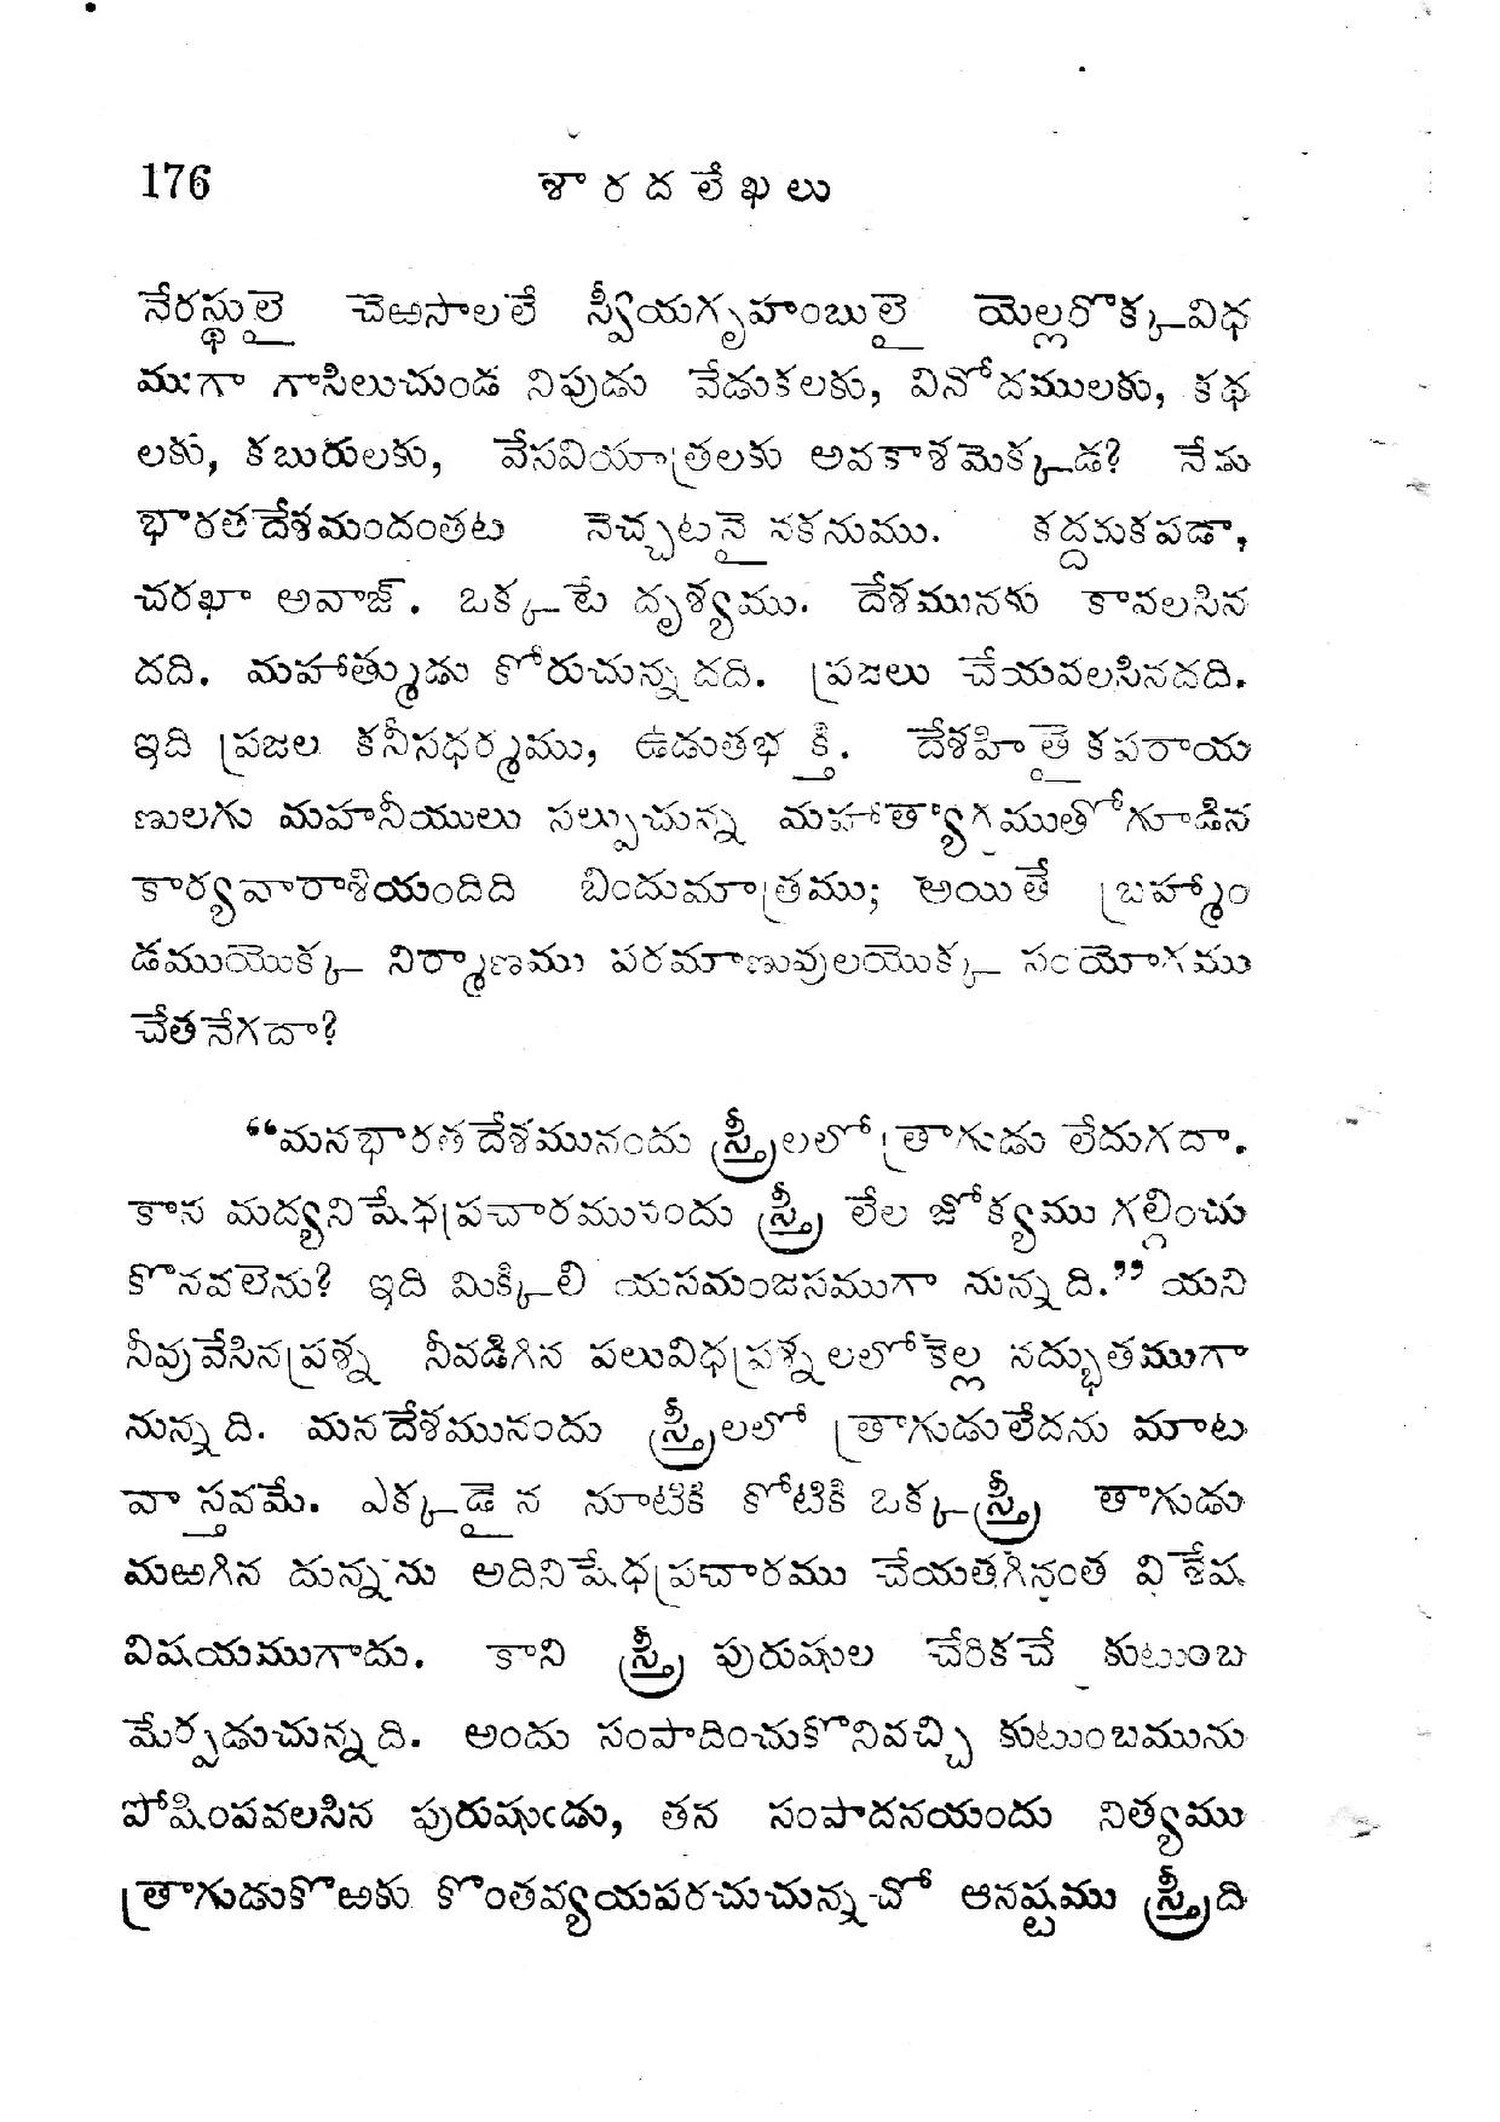నేరస్థులై చెఱసాలలే స్వీయగృహంబులై యెల్లరొక్కవిధముగా గాసిలుచుండ నిపుడు వేడుకలకు, వినోదములకు, కథలకు, కబురులకు, వేసవియాత్రలకు అవకాశమెక్కడ? నేడు భారతదేశమందంతట నెచ్చటనైనకనుము. కద్దరుకపడా, చరఖా అవాజ్. ఒక్కటే దృశ్యము. దేశమునకు కావలసిన దది. మహాత్ముడు కోరుచున్నదది. ప్రజలు చేయవలసినదది. ఇది ప్రజల కనీసధర్మము, ఉడుతభక్తి. దేశహితైకపరాయణులగు మహనీయులు సల్పుచున్న మహాత్యాగముతోగూడిన కార్యవారాశియందిది బిందుమాత్రము; అయితే బ్రహ్మాండముయొక్క నిర్మాణము పరమాణువులయొక్క సంయోగము చేతనేగదా?

"మనభారతదేశమునందు స్త్రీలలో త్రాగుడు లేదుగదా. కాన మద్యనిషేధప్రచారములందు స్త్రీ లేల జోక్యము గల్గించుకొనవలెను? ఇది మిక్కిలి యసమంజసముగా నున్నది.” యని నీవువేసినప్రశ్న నీవడిగిన పలువిధప్రశ్నలలోకెల్ల నద్భుతముగా నున్నది. మనదేశమునందు స్త్రీలలో త్రాగుడులేదను మాట వాస్తవమే. ఎక్కడైన నూటికి కోటికి ఒక్కస్త్రీ తాగుడు మఱగిన దున్నను అదినిషేధప్రచారము చేయతగినంత విశేష
విషయముగాదు. కాని స్త్రీ పురుషుల చేరికచే కుటుంబమేర్పడుచున్నది. అందు సంపాదించుకొనివచ్చి కుటుంబమును పోషింపవలసిన పురుషుఁడు, తన సంపాదనయందు నిత్యము త్రాగుడుకొఱకు కొంతవ్యయపరచుచున్నచో ఆనష్టము స్త్రీది